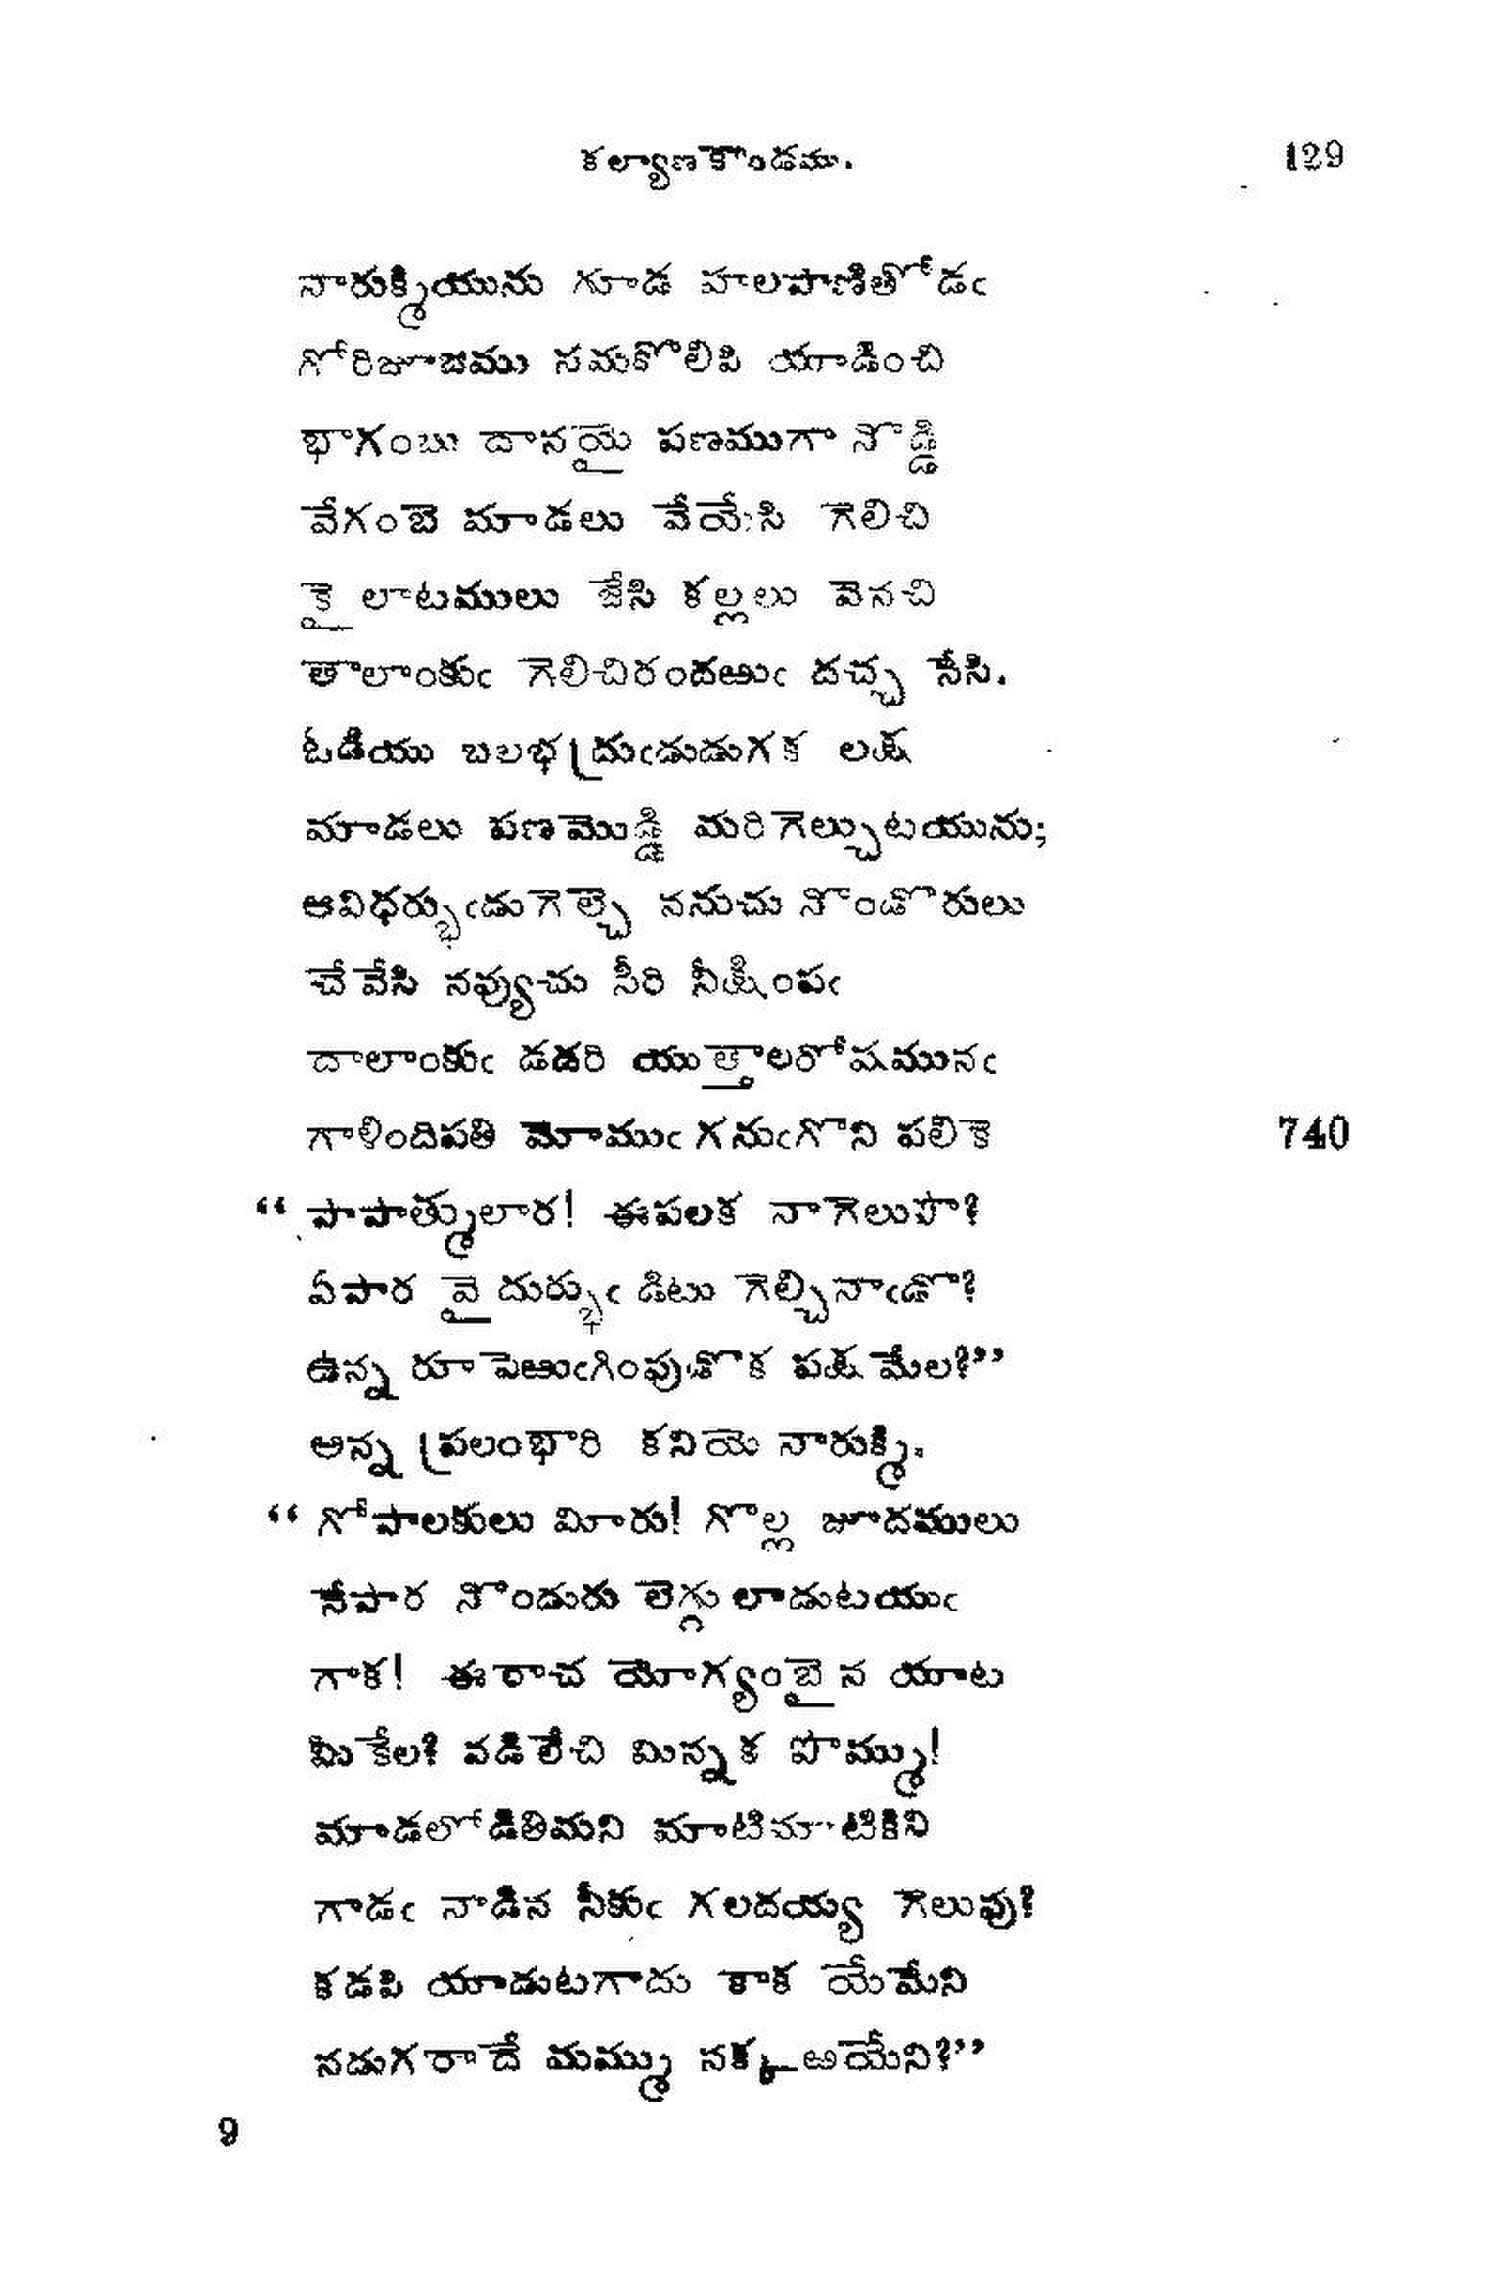నారుక్మియును గూడ హలపాణితోడఁ
గోరిజూజము సమకొలిపి యాడించి
భాగంబు దానయై పణముగా నొడ్డి
వేగంబె మాడలు వేయేసి గెలిచి
కైలాటములు జేసి కల్లలు వెనచి
తాలాంకుఁ గెలిచిరందఱుఁ దచ్చ సేసి. 
ఓడియు బలభద్రుఁడుడుగక లక్ష
మాడలు పణమొడ్డి మరిగెల్చుటయును; 
ఆ విదర్భుఁడు గెల్చె ననుచు నొండొరులు
చేవేసి నవ్వుచు సీరి నీక్షింపఁ
దాలాంకుఁడదరి యుత్తాలరొషమునఁ
గాళిందిపతి మోముఁగనుఁగొని పలికె
“పాపాత్ములార! ఈ పలక నా గెలుపొ? 
ఏపార వైదర్భుఁడిటు గెల్చినాఁడొ? 
ఉన్న రూపెఱుఁగింపుడొక పక్షమేల?” 
అన్న ప్రలంభారి కనియె నారుక్మి. 
“గోపాలకులు మీరు! గొల్ల జూదములు
నేపార నొండురు లెగ్గులాడుటయుఁ
గాక! ఈ రాచ యోగ్యంబైన యాట
మీకేల? వడిలేచి మిన్నక పొమ్ము! 
మాడలోడితిమని మాటిమాటికిని
గాడఁ నాడిన నీకుఁ గలదయ్య గెలుపు? 
కడపి యాడుటగాదు కాక యేమేని 
నడుగరాదే మమ్ము నక్కఱ యేని?”